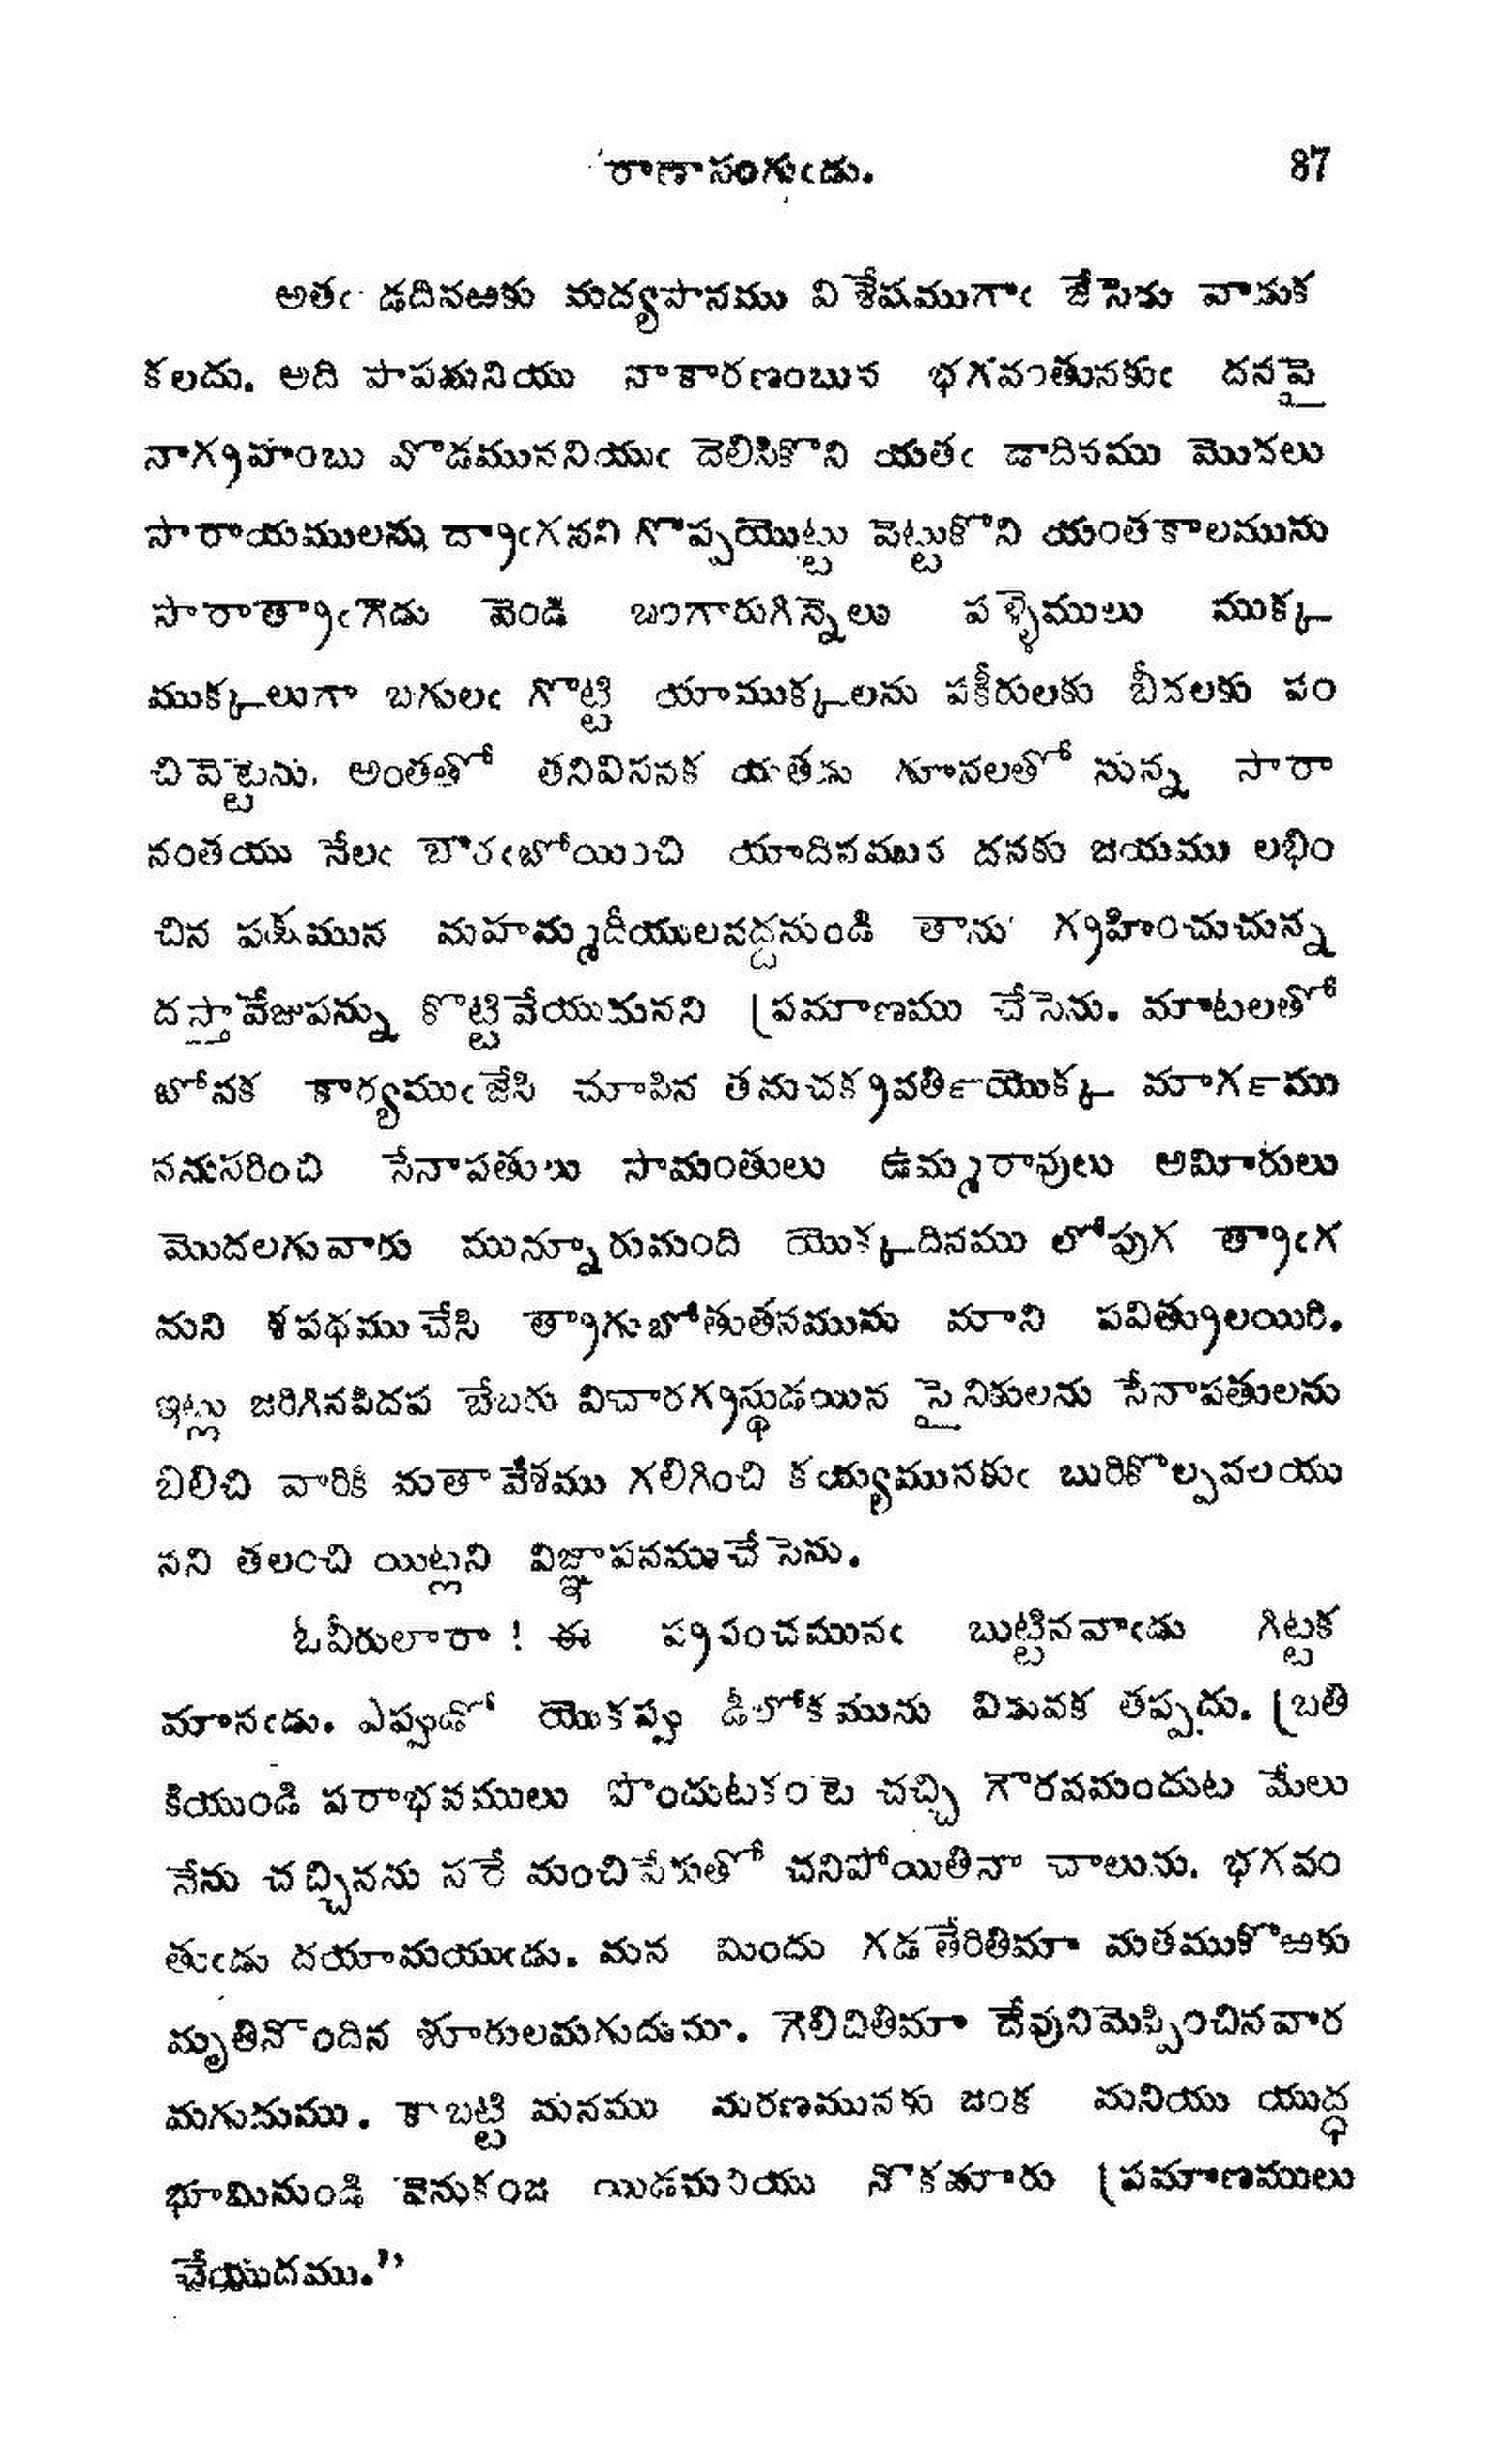అతఁ డదివఱకు మద్యపానము విశేషముగాఁ జేసెడు వాడుక కలదు. అది పాపమనియు నాకారణంబున భగవంతునకుఁ దనపై
నాగ్రహంబు వొడముననియుఁ దెలిసికొని యతఁ డాదినము మొదలు సారాయములను దాగనని గొప్పయొట్టు పెట్టుకొని యంత కాలమును
సారాత్రాఁగెడు వెండి బంగారుగిన్నెలు పళ్ళెములు ముక్కముక్కలుగా బగులఁ గొట్టి యాముక్కలను పకీరులకు బీదలకు పంచి పెట్టెను. అంతలో తనివిసనక యతడు గూనలతో నున్న సారా నంతయు నేలం బారఁబోయించి యాదినమున దనకు జయము లభించిన పక్షమున మహమ్మదీయులవద్దనుండి తాను' గృహించుచున్న దస్తావేజుపన్ను కొట్టి వేయుదునని ప్రమాణము చేసెను. మాటలతో బోవక కార్యముఁ జేసి చూపిన తను చక్రవతి౯ యొక్క మాగ౯ము ననుసరించి సేనాపతులు సామంతులు ఉమ్మరావులు అమీరులు మొదలగువారు మున్నూరుమంది యొక్క దినము లోపుగ త్రాఁగమని శపథము చేసి త్రాగుబోతుతనమును మాని పవిత్రులయిరి. ఇట్లు జరిగిన పిదప బేబరు విచారగ్రస్థుడయిన సైనికులను సేనాపతులను బిలిచి వారికి మతావేశము గలిగించి కయ్యమునకుఁ బురికొల్పవలయునని తలంచి యిట్లని విజ్ఞాపనము చేసెను.

ఓవీరులారా ! ఈ ప్రపంచమునఁ బుట్టిన వాఁడు గిట్టక మానఁడు. ఎప్పుడో యొకప్పు డీలోకమును విడువక తప్పదు. బ్రతికియుండి పరాభవములు పొందుటకంటె చచ్చి గౌరవమందుట మేలు నేను చచ్చినను సరే మంచి పేరుతో చనిపోయితినా చాలును. భగవంతుఁడు దయామయుఁడు. మన మిందు గడతేరితిమా మతముకోఱకు మృతినొందిన శూరులమగుదుము. గెలిచితిమా దేవుని మెప్పించినవార
మగుదుము. కాబట్టి మనముమరణమునకు జంకమనియు యుద్ధ భూమినుండి 'వెనుకంజ యిడమనియు నొకమారు ప్రమాణములు
చేయుదము.”